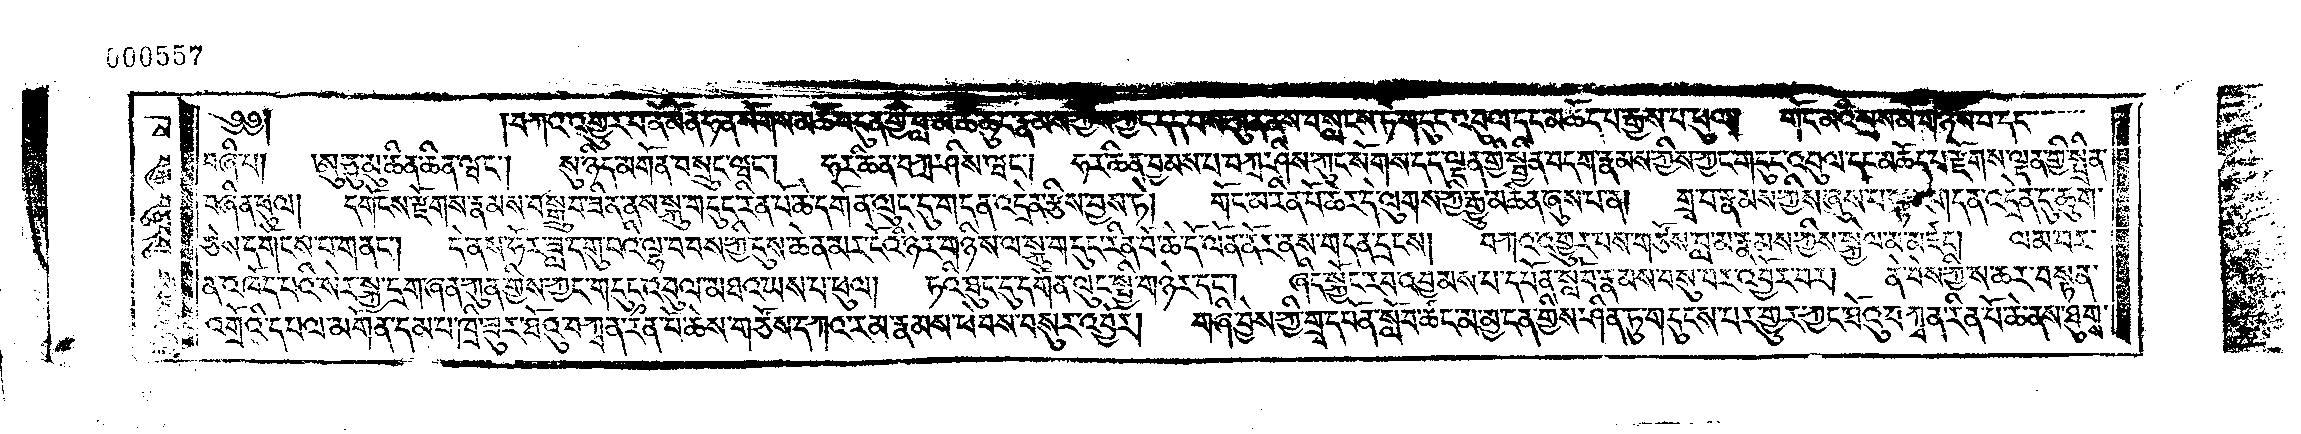༄༅། །བཀའ་འགྱུར་པ་ནོ་མོན་ཧན་སོགས་མཚོ་བདུན་གྱི་བླ་མ་ཆེ་ཆུང་རྣམས་ཀྱིས་ཀྱང་དད་པས་ཀུན་ནས་བསླངས་ཏེ་གདུང་འབུལ་དང་མཆོད་པ་རྒྱས་པ་ཕུལ། གོང་མའི་སྲས་མོ་གཉིས་པ་དང་
བཞི་པ། ཨུ་ཅུ་མུ་ཆིན་ཆིན་ཝང་། སུ་ཉིད་མགོན་བསྲུང་ཝང་། ཧར་ཆིན་བཀྲ་ཤིས་ཝང་། ཧར་ཆིན་བྱམས་པ་བཀྲ་ཤིས་ཀུང་སོགས་དད་ལྡན་གྱི་སྦྱིན་བདག་རྣམས་ཀྱིས་ཀྱང་གདུང་འབུལ་དང་མཆོད་པ་རྫོགས་ལྡན་གྱི་སྤྲིན་
བཞིན་ཕུལ། དགོངས་རྫོགས་རྣམས་བསྒྲུབ་ཟིན་ནས་སྐུ་གདུང་རིན་པོ་ཆེ་དགོན་ལུང་དུ་གདན་འདྲེན་རྩིས་བྱས་ཏེ། གོང་མ་རིན་པོ་ཆེར་དེ་ལུགས་ཀྱི་རྒྱུ་མཚན་ཞུས་པ་ན། གྲྭ་བ་རྣམས་ཀྱིས་ཞུས་པ་ལྟར་གདན་འདྲེན་དུ་ཆུག་
ཅེས་དགོངས་པ་གནང་། དེ་ནས་ཧོར་ཟླ་དགུ་བའི་ལྷ་བབས་ཀྱི་དུས་ཆེན་མར་ངོའི་ཉེར་གཉིས་ལ་སྐུ་གདུང་རིན་པོ་ཆེ་དོ་ལོན་ནོར་ནས་གདན་དྲངས། བཀའ་འགྱུར་བས་གཙོས་བླ་མ་རྣམས་ཀྱིས་སྐྱེལ་མ་མཛད། ལམ་བར་
ན་འཁོད་པའི་སེར་སྐྱ་དྲག་ཞན་ཀུན་གྱིས་ཀྱང་གདུང་འབུལ་མཐའ་ཡས་པ་ཕུལ། ཏའི་ཐུང་དུ་དགོན་ལུང་སྤྱི་གཉེར་དང་། ཞིད་སྐྱོང་རབ་འབྱམས་པ་དཔོན་སློབ་རྣམས་བསུ་བར་འབྱོར་བར། ནེ་བེས་ཀྱིས་ཆར་བསྟན་
འགྲོའི་དཔལ་མགོན་དམ་པ་ཁྲི་ཟུར་ཐོའུ་བཀྭན་རྀན་པོ་ཆེས་གཙོས་དཀའ་རམ་རྣམས་ཕེབས་བསུར་འབྱོར། གཞི་བྱེས་ཀྱི་གྲྭ་དཔོན་སློབ་ཚང་མ་མྱ་ངན་གྱིས་ཤིན་ཏུ་གདུངས་པར་གྱུར་ཀྱང་ཐོའུ་བཀྭན་རིན་པོ་ཆེ་ནས་ཐུགས་